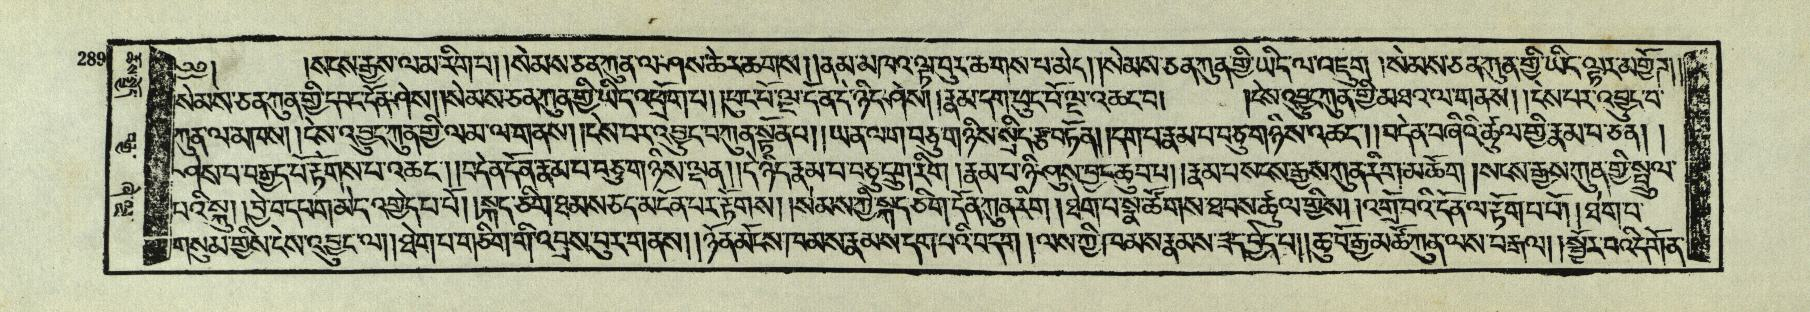༄༅། །སངས་རྒྱས་ལམ་རིག་པ། །སེམས་ཅན་ཀུན་ལ་ཤས་ཆེར་ཆགས། །ནམ་མཁའ་ལྟ་བུར་ཆགས་པ་མེད། །སེམས་ཅན་ཀུན་གྱི་ཡིད་ལ་འཇུག །སེམས་ཅན་ཀུན་གྱི་ཡིད་ལྟར་མགྱོཌ། །
སེམས་ཅན་ཀུན་གྱི་དབང་དོན་ཤེས། །སེམས་ཅན་ཀུན་གྱི་ཡིད་འཕྲོག་པ། །ཕུང་པོ་ལྔ་དོན་དེ་ཉིད་ཤེས། །རྣམ་དག་ཕུང་པོ་ལྔ་འཆང་བ། །ངེས་འབྱུང་ཀུན་གྱི་མཐའ་ལ་གནས། །ངེས་པར་འབྱུང་བ་
ཀུན་ལ་མཁས། །ངེས་འབྱུང་ཀུན་གྱི་ལམ་ལ་གནས། །ངེས་པར་འབྱུང་བ་ཀུན་སྟོན་པ། །ཡན་ལག་བཅུ་གཉིས་སྲིད་རྩ་བཏོན། །དག་པ་རྣམ་པ་བཅུ་གཉིས་འཆང་། །བདེན་བཞིའི་ཚུལ་གྱི་རྣམ་པ་ཅན། །
ཤེས་པ་བརྒྱད་པོ་རྟོགས་པ་འཆང་། །བདེན་དོན་རྣམ་པ་བཅུ་གཉིས་ལྡན། །དེ་ཉིད་རྣམ་པ་བཅུ་དྲུག་རིག །རྣམ་པ་ཉི་ཤུས་བྱང་ཆུབ་པ། །རྣམ་པ་སངས་རྒྱས་ཀུན་རིག་མཆོག །སངས་རྒྱས་ཀུན་གྱི་སྤྲུལ་
པའི་སྐུ། །བྱེ་བ་དཔག་མེད་འགྱེད་པ་པོ། །སྐད་ཅིག་ཐམས་ཅད་མངོན་པར་རྟོགས། །སེམས་ཀྱི་སྐད་ཅིག་དོན་ཀུན་རིག །ཐེག་པ་སྣ་ཚོགས་ཐབས་ཚུལ་གྱིས། །འགྲོ་བའི་དོན་ལ་རྟོག་པ་པོ། །ཐེག་པ་
གསུམ་གྱིས་ངེས་འབྱུང་ལ། །ཐེག་པ་གཅིག་གི་འབྲས་བུར་གནས། །ཉོན་མོངས་ཁམས་རྣམས་དག་པའི་བདག །ལས་ཀྱི་ཁམས་རྣམས་ཟད་བྱེད་པ། །ཆུ་བོ་རྒྱ་མཚོ་ཀུན་ལས་བརྒལ། །སྦྱོར་བའི་དགོན་